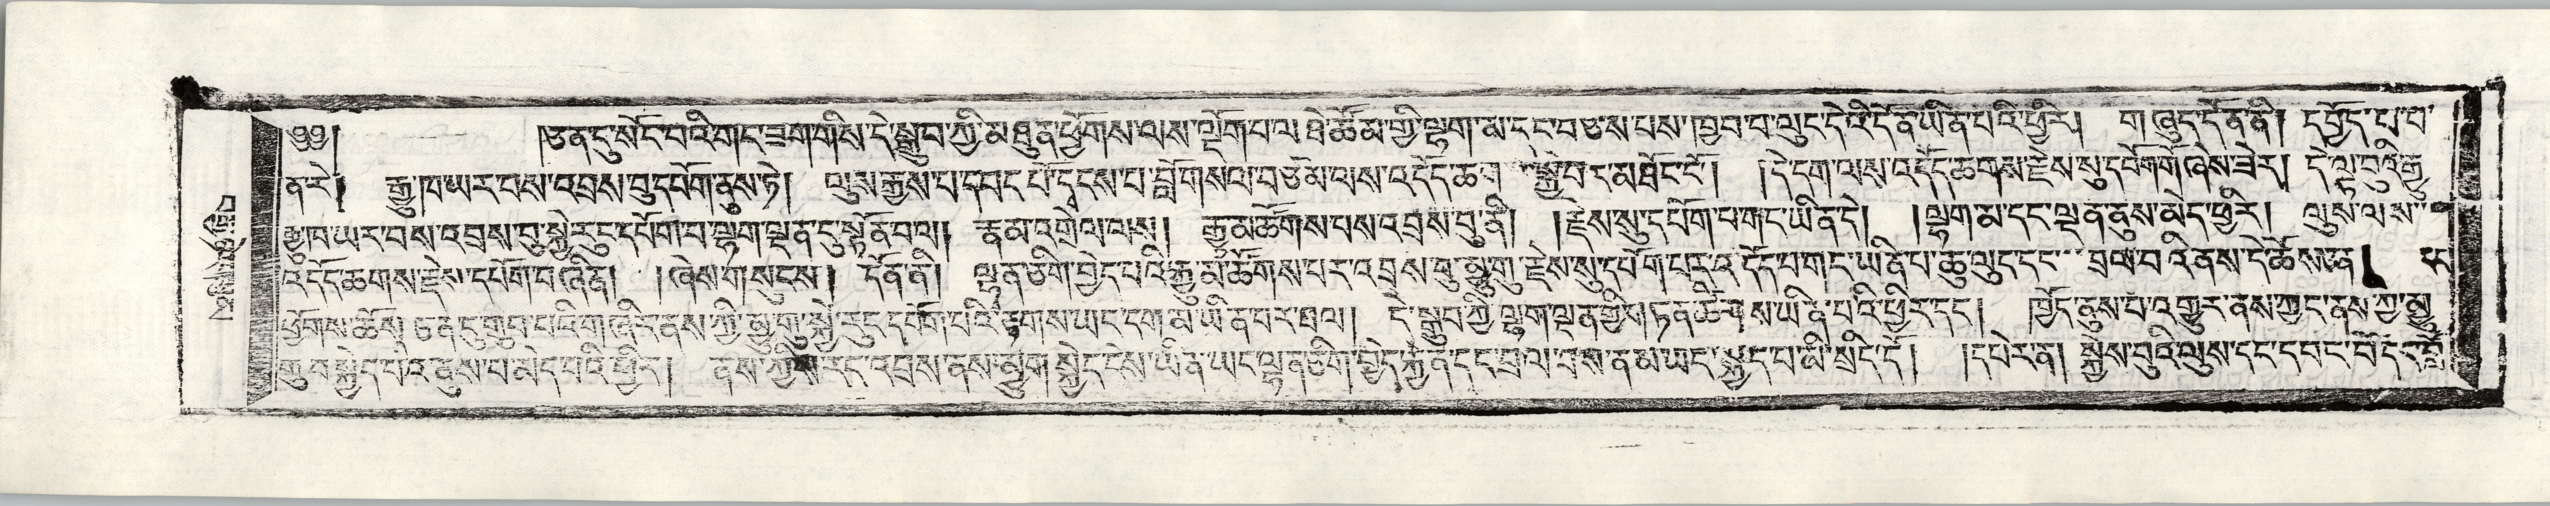ཅན་དུ་སོང་བའི་གང་ཟག་གིས་དེ་སྒྲུབ་ཀྱི་མཐུན་ཕྱོགས་ལས་
ལྡོག་པ་ལ་ཐེ་ཚོམ་གྱི་ལྷག་མ་དང་བཅས་པས་ཁྱབ་པ་ལུང་དེའི་དོན་ཡིན་པའི་ཕྱིར། །གཞུང་དོན་ནི། དཔྱོད་པ་ན་རེ། རྒྱུ་ཁ་ཡར་བས་འབྲས་བུ་དཔོག་ནུས་ཏེ། ལུས་རྒྱས་པ་དབང་བོ་དྭངས་པ་བློ་གསལ་བ་ཙམ་ལས་འདོད་ཆགས་སྐྱེ་བར་མཐོང་ངོ། །དེ་
དག་ལས་འདོད་ཆགས་རྗེས་སུ་དཔོག་གོ་ཞེས་ཟེར། དེ་ལྟ་བུའི་རྒྱུ་ཁ་ཡར་བས་འབྲས་བུ་སྐྱེ་རུང་དཔོག་པ་ལྷག་ལྡན་དུ་སྟོན་པ་ལ། རྣམ་འགྲེལ་ལས། རྒྱུ་མ་ཚོགས་པས་འབྲས་བུ་ནི། །རྗེས་སུ་དཔོག་པ་གང་ཡིན་དེ། །ལྷག་མ་དང་ལྡན་ནུས་མེད་ཕྱིར། །ལུས་
ལས་འདོད་ཆགས་རྗེས་དཔོག་བཞིན། ཞེས་གསུངས། དོན་ནི། ལྷན་ཅིག་བྱེད་པའི་རྒྱུ་མ་ཚོགས་པར་འབྲས་བུ་མྱུ་གུ་རྗེས་སུ་དཔོག་པར་འདོད་པ་གང་ཡིན་པ་ཆུ་ལུད་དང་བྲལ་བའི་ནས་དེ་ཆོས་ཅན། རང་ཕྱོགས་ཆོས་ཅན་དུ་གྲུབ་པའི་གཞིར་ནས་ཀྱི་
མྱུ་གུ་སྐྱེ་རུང་དཔོག་པའི་རྟགས་ཡང་དག་མ་ཡིན་པར་ཐལ། དེ་སྒྲུབ་ཀྱི་ལྷག་ལྡན་གྱི་གཏན་ཚིགས་ཡིན་པའི་ཕྱིར་དང་། ཁྱོད་ནུས་པ་འགྱུར་ནས་ཀྱང་ནས་ཀྱི་མྱུ་གུ་བསྐྱེད་པའི་ནུས་པ་མེད་པའི་ཕྱིར། ནས་ཀྱིས་རང་འབྲས་ནས་མྱུག་སྐྱེད་ངེས་ཡིན་ཡང་༄༅། །ལྷན་ཅིག་བྱེད་རྐྱེན་དང་བྲལ་བས་ནམ་ཡང་སྐྱེད་པ་མི་སྲིད་དོ། །དཔེར་ན། སྐྱེས་བུའི་ལུས་དང་དབང་བོ་དང་བློ་